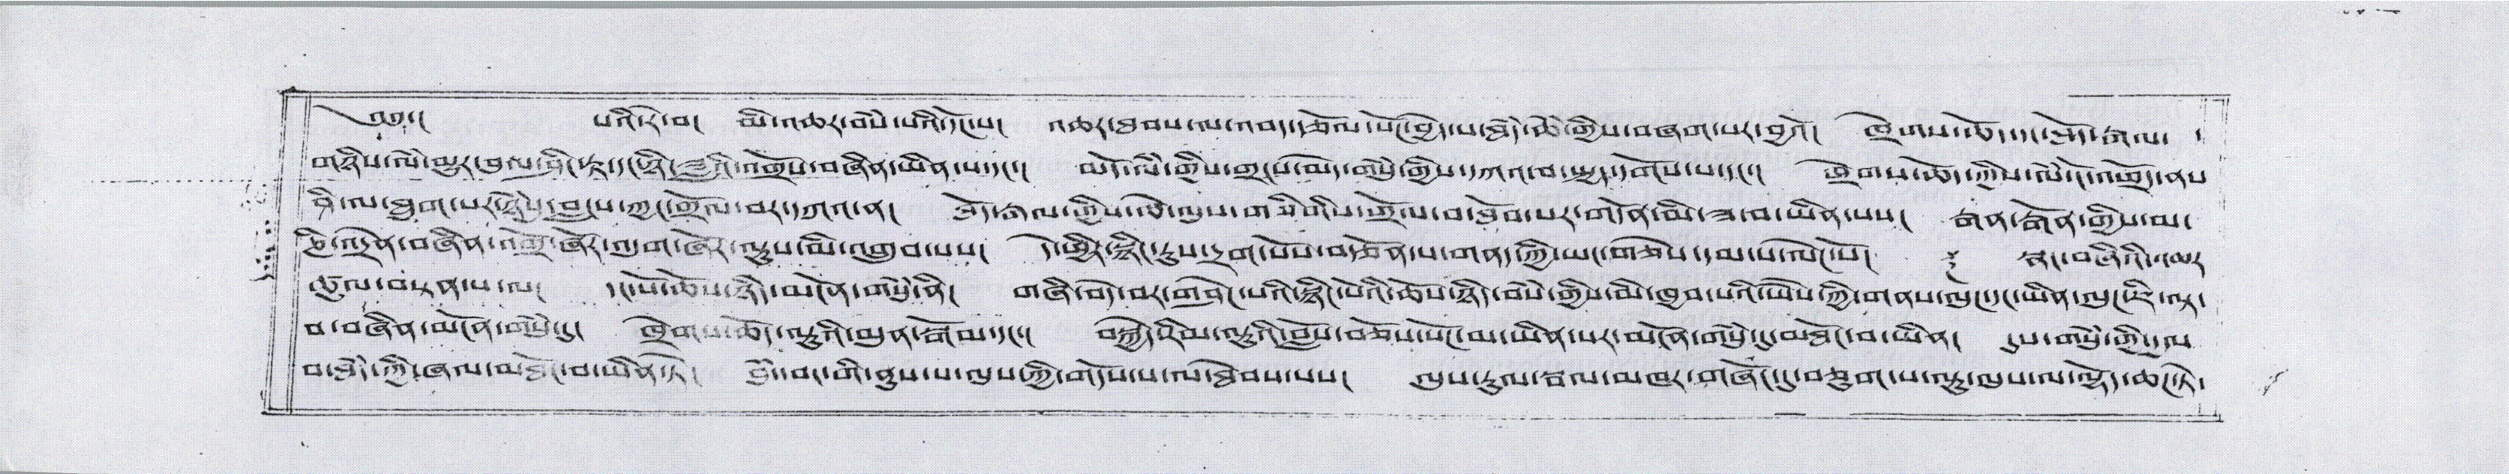པའི་རེ་བ། མི་འཆར་བསམ་པའི་དོགས་པ། འཆར་ཐབས་ལ་འབད་རྩོལ་སོགས་བྱེད་པ་ཐམས་ཅད་ཆམ་གྱིས་བཞག་པར་བྱའོ། ཁྲེགས་ཆོད་དང་ཐོད་རྒལ་
གཉིས་ལམ་མྱུར་བུལ་ཤིང་རྟ་དང་ཉི་ཟླའི་འགྲོས་བཞིན་ཡིན་པ་དང། མདོ་ལམ་གྱིས་གྲངས་མེད་གསུམ་གྱིས་དཀའ་བ་སྤྱད་དགོས་པ་དང། ཁྲེགས་ཆོད་ཀྱིས་ལམ་ངོ་འཕྲོད་ནས་
ཤི་ལ་ཐུག་པར་ཉམས་སུ་བླངས་ཀྱང་གྲོལ་བར་དཀའ་ན། ཐོད་རྒལ་གྱིས་ཚེ་ལུས་གཅིག་གིས་གྲོལ་བ་ཐོབ་པར་གདོན་མི་ཟ་བ་ཡིན་པས། རྒན་རྒོན་གྱིས་མ་
ཎི་འདྲེན་བཞིན་འགྲོ་ཞོར་འདུག་ཞོར་ལྟ་བུས་མི་འགྲུབ་པས། དེ་ཕྱིར་སྙིང་རུས་དྲག་པོས་བརྩོན་པ་གནད་ཀྱི་ཡང་གཅེས་དམ་པ་ལེགས་སོ། ༑ སྣང་བཞིའི་འཆར་
ཚུལ་བསྟན་པ་ལ། དང་པོ་ཆོས་ཉིད་མངོན་གསུམ་ནི། གཞི་བདེ་བར་གཤེགས་པའི་སྙིང་པོའི་ཆོས་ཉིད་བསམ་གྱིས་མི་ཁྱབ་པའི་ཡེ་ཤེས་ཀྱི་གནས་ལུགས་དང་ཡིན་ལུགས་ཇི་ལྟ་
བ་བཞིན་མངོན་གསུམ་དུ། ཁྲེགས་ཆོད་ལྟ་བུའི་མུན་སྒོམ་དང། བསྐྱེད་རིམ་ལྟ་བུའི་བློས་བཅོས་སོགས་མ་ཡིན་པར་མངོན་གསུམ་དུ་མཐོང་བ་ཡིན། དུས་གསུམ་གྱི་རྒྱལ་
བ་ཐམས་ཅད་ཀྱི་ཞལ་མཐོང་བ་ཡིན་ཏེ། བུམ་དབང་གི་ནུས་པ་ལུས་ཀྱི་གདོས་པ་ལ་ཐེབས་པས། ལུས་རུས་སྦལ་མཁར་གཞོང་དུ་བཅུག་པ་ལྟ་བུ་ལུས་ལ་ལྷོད་ཆགས་ཏེ་